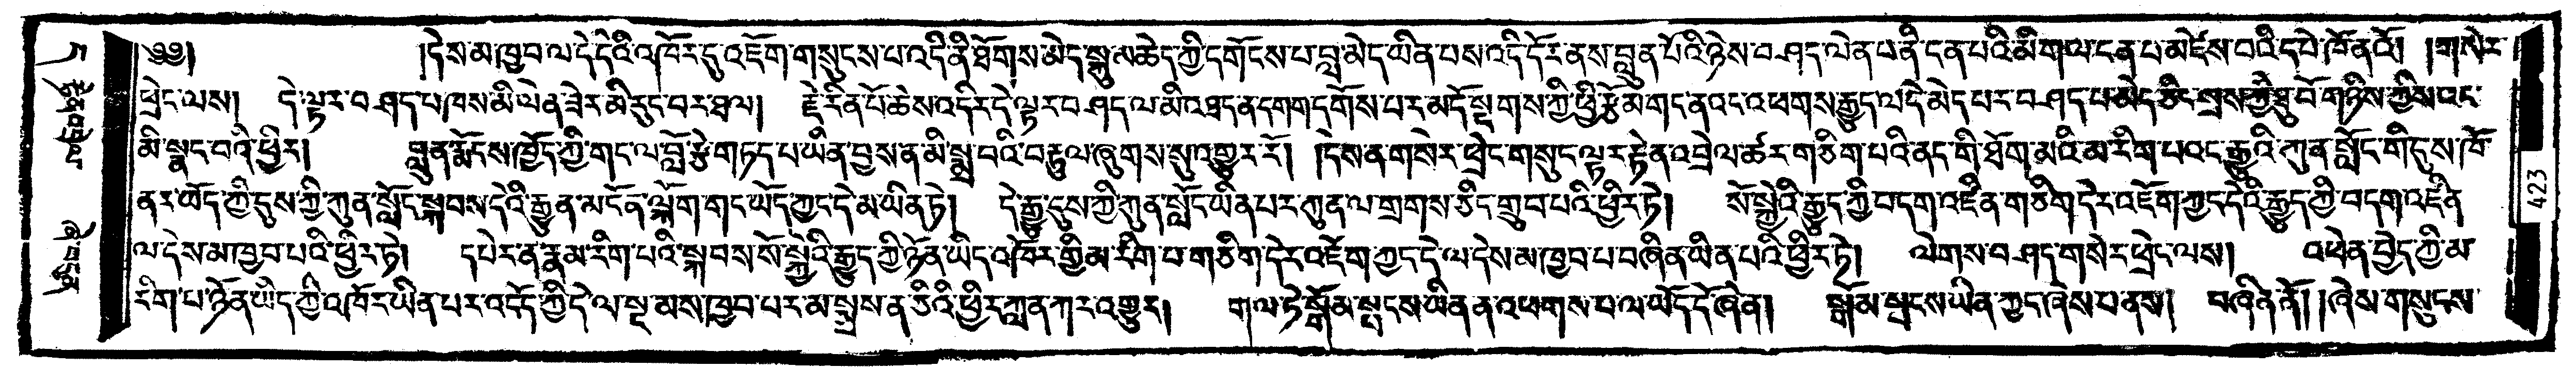༄༅། །དེས་མ་ཁྱབ་ལ་དེ་དེའི་འཁོར་དུ་འཇོག་གསུངས་པ་འདི་ནི་ཐོགས་མེད་སྐུ་མཆེད་ཀྱི་དགོངས་པ་བླ་མེད་ཡིན་པས་འདི་དོར་ནས་བླུན་པོའི་ཉེས་བཤད་ལེན་པ་ནི་ངན་པའི་མི་གལ་ངན་པ་མཛེས་པའི་དཔེ་ཁོ་ནའོ། །གསེར་
ཕྲེང་ལས། དེ་ལྟར་བཤད་པ་ཁས་མི་ལེན་ཟེར་མི་རུང་བར་ཐལ། རྗེ་རིན་པོ་ཆེས་འདིར་དེ་ལྟར་བཤད་ལ་མི་འཐད་ན་དགག་དགོས་པར་མདོ་སྔགས་ཀྱི་ཕྱི་རྩོམ་གང་ནའང་འཕགས་རྒྱུད་ལ་དེ་མེད་པར་བཤད་པ་མེད་ཅིང་སྲས་ཀྱི་ཐུ་བོ་གཉིས་ཀྱིས་འང་
མི་སྣང་བའི་ཕྱིར། བླུན་རྨོངས་ཁྱོད་ཀྱི་གང་ལ་བློ་རྩེ་གཏད་པ་ཡིན་བྱས་ན་མི་སྨྲ་བའི་བརྟུལ་ཞུགས་སུ་འགྱུར་རོ། །དེས་ན་གསེར་ཕྲེང་གསུང་ལྟར་རྟེན་འབྲེལ་ཚར་གཅིག་པའི་ནང་གི་ཐོག་མའི་མ་རིག་པའང་རྒྱུའི་ཀུན་སློང་གི་དུས་ཁོ་
ནར་ཡོད་ཀྱི་དུས་ཀྱི་ཀུན་སློང་སྐབས་དེའི་རྒྱུན་མངོན་ལྐོག་གང་ཡོད་ཀྱང་དེ་མ་ཡིན་ཏེ། དེ་རྒྱུ་དུས་ཀྱི་ཀུན་སློང་ཡིན་པར་ཀུན་ལ་གྲགས་ཅིང་གྲུབ་པའི་ཕྱིར་ཏེ། སོ་སྐྱེའི་རྒྱུད་ཀྱི་བདག་འཛིན་གཅིག་དེར་འཇོག་ཀྱང་དེའི་རྒྱུད་ཀྱི་བདག་འཛིན་
ལ་དེས་མ་ཁྱབ་པའི་ཕྱིར་ཏེ། དཔེར་ན་རྣམ་རིག་པའི་སྐབས་སོ་སྐྱེའི་རྒྱུད་ཀྱི་ཉོན་ཡིད་འཁོར་གྱི་མ་རིག་པ་གཅིག་དེར་འཇོག་ཀྱང་དེ་ལ་དེས་མ་ཁྱབ་པ་བཞིན་ཡིན་པའི་ཕྱིར་ཏེ། ལེགས་བཤད་གསེར་ཕྲེང་ལས། འཕེན་བྱེད་ཀྱི་མ་
རིག་པ་ཉོན་ཡིད་ཀྱི་འཁོར་ཡིན་པར་འདོད་ཀྱི་དེ་ལ་སྔ་མས་ཁྱབ་པར་མ་སྨྲས་ན་ཅིའི་ཕྱིར་ཀླན་ཀར་འགྱུར། གལ་ཏེ་སྒོམ་སྤངས་ཡིན་ན་འཕགས་བ་ལ་ཡོད་དོ་ཞེ་ན། སྒོམ་སྤངས་ཡིན་ཀྱང་ཞེས་པ་ནས། བཞིན་ནོ། །ཞེས་གསུངས་